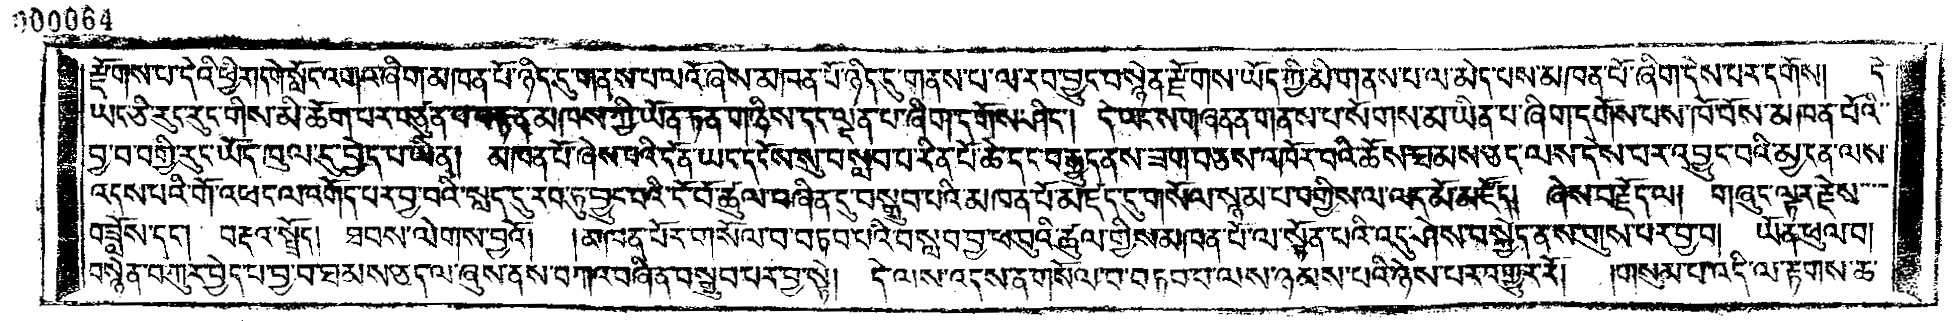རྫོགས་པ་དེའི་ཕྱིར། དགེ་སློང་འགའ་ཞིག་མཁན་པོ་ཉིད་དུ་གནས་པ་ལའོ་ཞེས་མཁན་པོ་ཉིད་དུ་གནས་པ་ལ་རབ་བྱུང་བསྙེན་རྫོགས་ཡོད་ཀྱི་མི་གནས་པ་ལ་མེད་པས་མཁན་པོ་ཞིག་ངེས་པར་དགོས། དེ་
ཡང་ཅི་རུང་རུང་གིས་མི་ཆོག་པར་བཙུན་པ་བརྟན་མཁས་ཀྱི་ཡོན་ཏན་གཉིས་དང་ལྡན་པ་ཞིག་དགོས་ཤིང་། དེ་ཡང་ས་གཞན་ན་གནས་པ་སོགས་མ་ཡིན་པ་ཞིག་དགོས་པས་ཁོ་བོས་མཁན་པོའི་
བྱ་བ་བགྱི་རུང་ཡོད་ཁུལ་དུ་བྱེད་པ་ཡིན། མཁན་པོ་ཞེས་པའི་དོན་ཡང་དངོས་སུ་བསླབ་པ་རིན་པོ་ཆེ་དང་བརྒྱུད་ནས་ཟག་བཅས་འཁོར་བའི་ཆོས་ཐམས་ཅད་ལས་ངེས་པར་འབྱུང་བའི་མྱ་ངན་ལས་
འདས་པའི་གོ་འཕང་ལ་འགོད་པར་བྱ་བའི་སླད་དུ་རབ་ཏུ་བྱུང་བའི་ངོ་བོ་ཚུལ་བཞིན་དུ་བསྒྲུབ་པའི་མཁན་པོ་མཛད་དུ་གསོལ་སྙམ་པ་བགྱིས་ལ་ལད་མོ་མཛོད། ཞེས་བརྗོད་ལ། གཞུང་ལྟར་རྗེས་
བཟློས་དང་། བརྡའ་སྤྲོད། ཐབས་ལེགས་བྱའོ། །མཁན་པོར་གསོལ་བ་བཏབ་པའི་བསླབ་བྱ་ཕ་བུའི་ཚུལ་གྱིས་མཁན་པོ་ལ་སྟོན་པའི་འདུ་ཤེས་བསྐྱེད་ནས་གུས་པར་བྱ་བ། ཡོན་ཕུལ་བ།
བསྙེན་བཀུར་བྱེད་པ་བྱ་བ་ཐམས་ཅད་ལ་ཞུས་ནས་བཀའ་བཞིན་བསྒྲུབ་པར་བྱ་སྟེ། དེ་ལས་འདས་ན་གསོལ་བ་བཏབ་པ་ལས་ཉམས་པའི་ཉེས་པར་འགྱུར་རོ། །གསུམ་པ་འདི་ལ་རྟགས་ཆ་